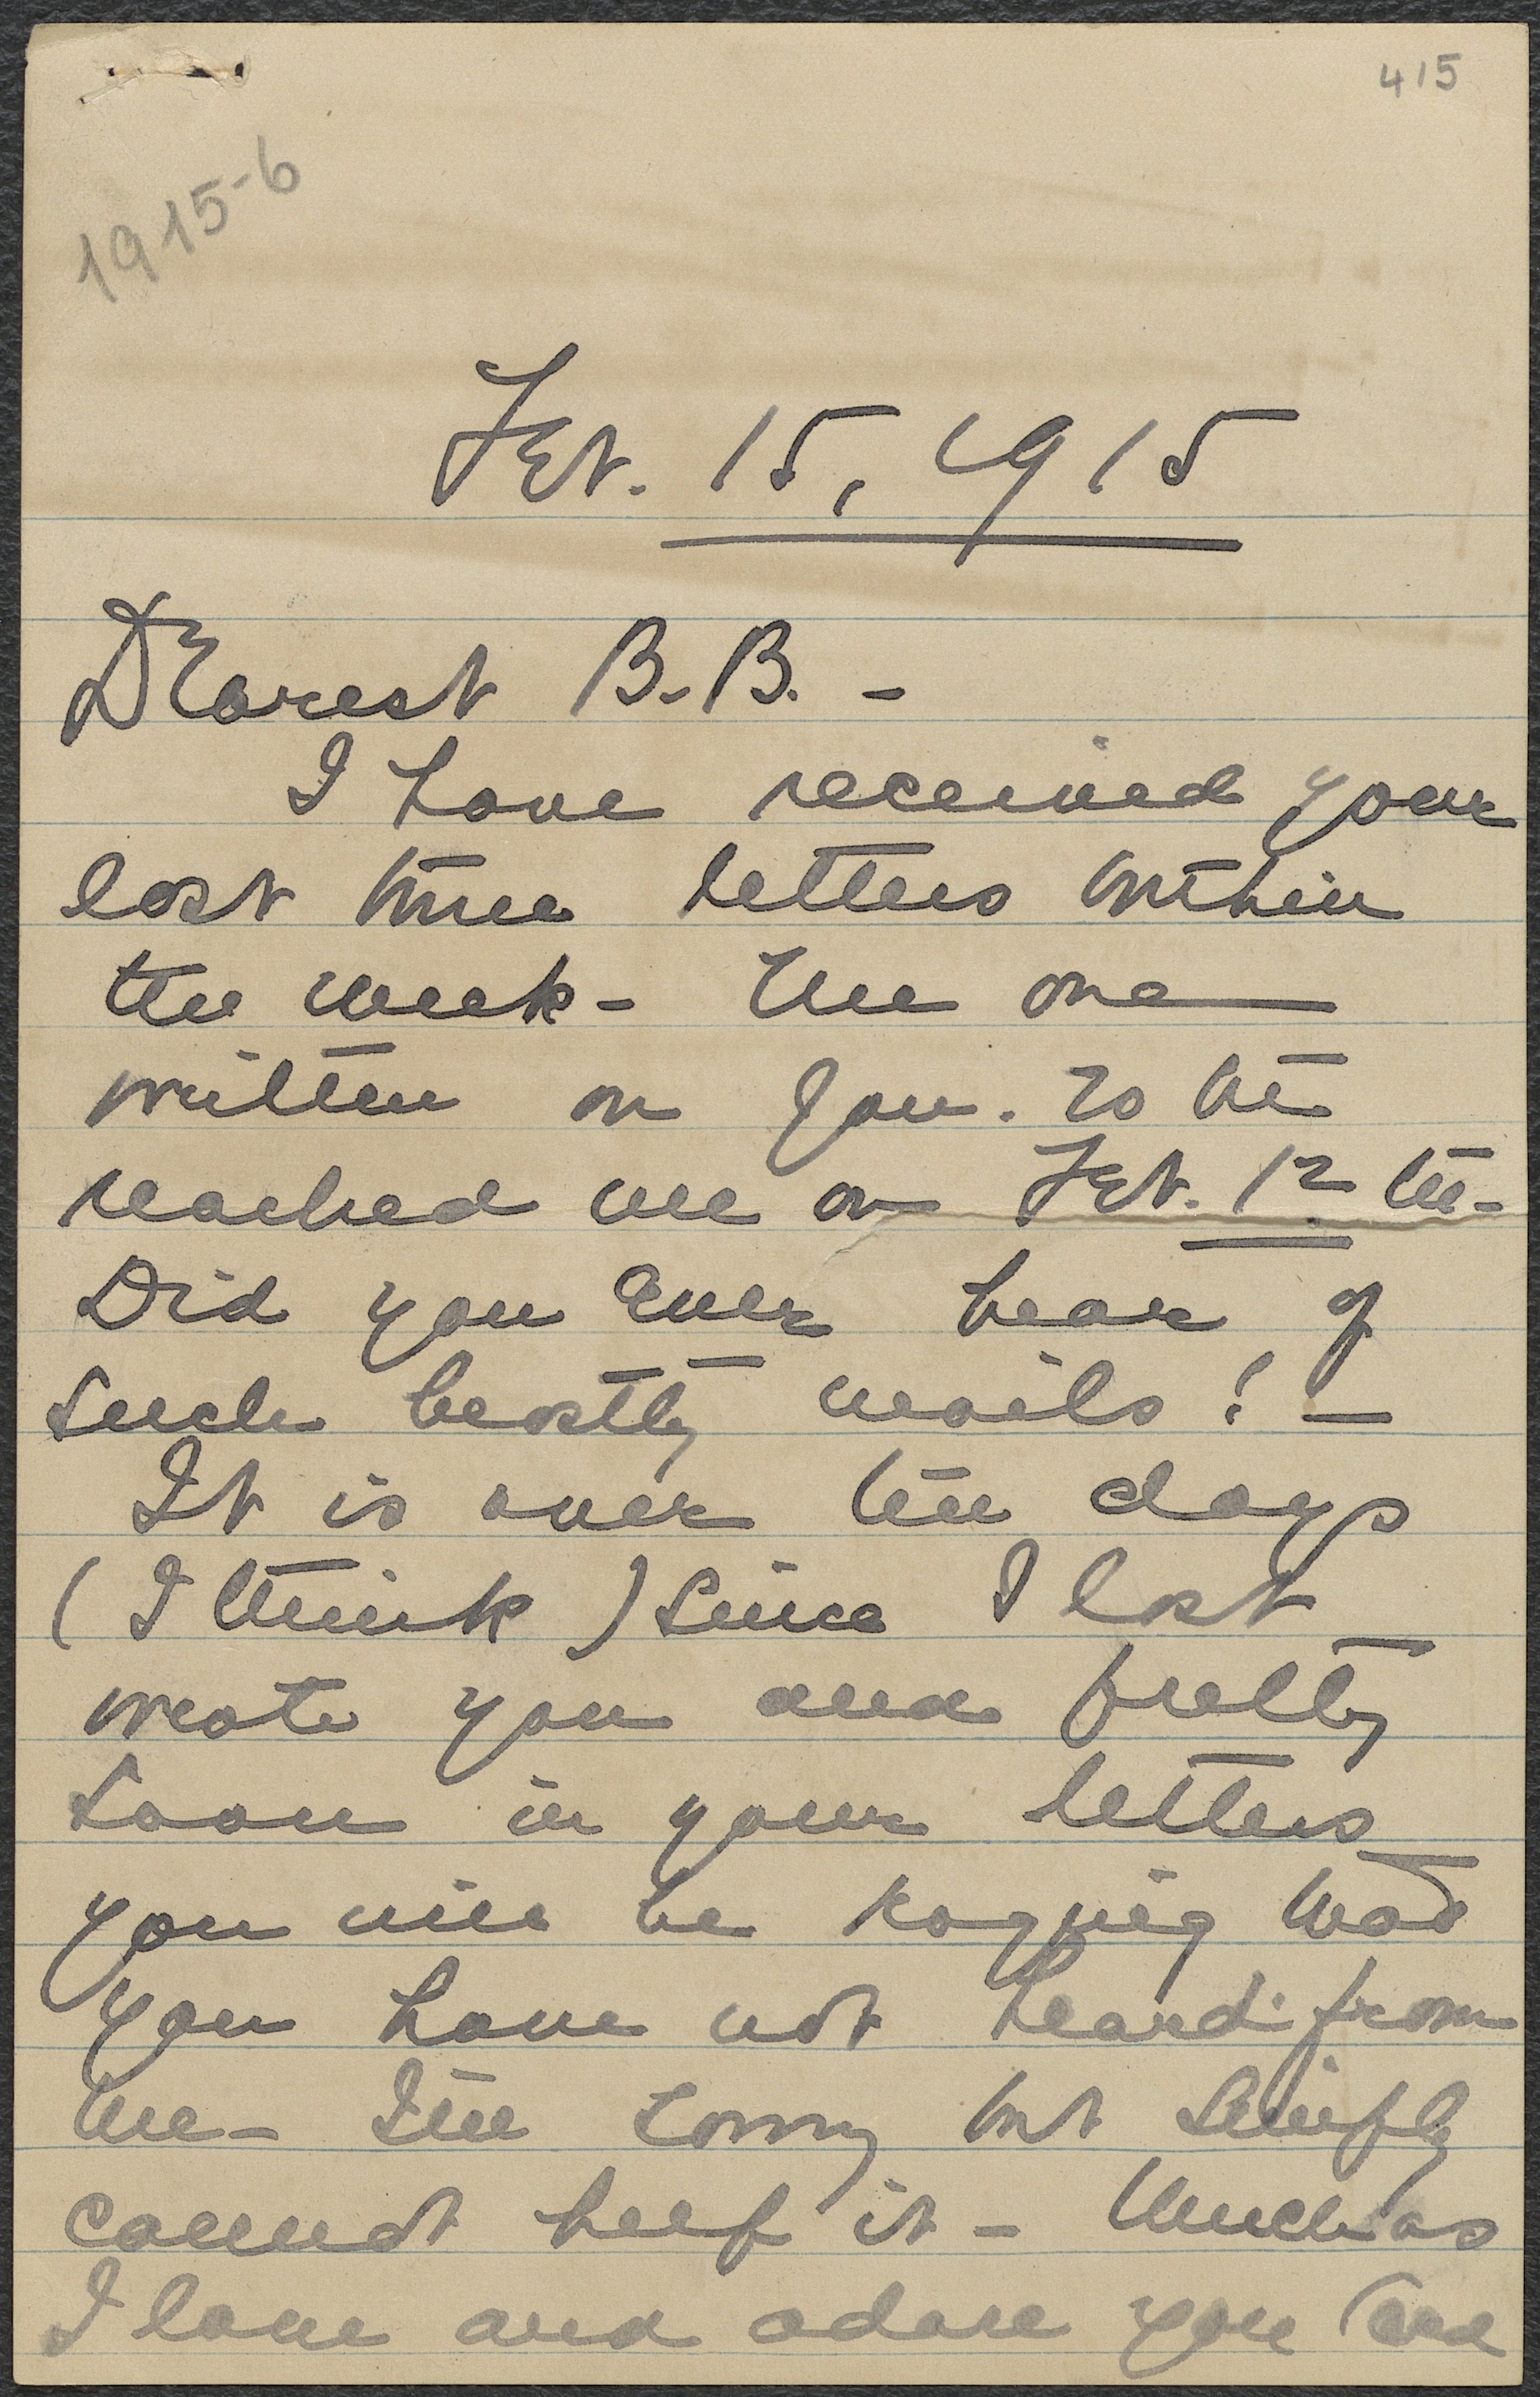Feb. 15, 1915
Dearest B. B. –
I have received your last three letters within the week – The one written on Jan. 20th reached me on Feb. 12th – Did you ever hear of such beastly mails! – It is over ten days (I think) since I last wrote you and pretty soon in your letters you will be raging that you have not heard from me – I’m sorry but simply cannot keep it – Much as I love and admire you (and